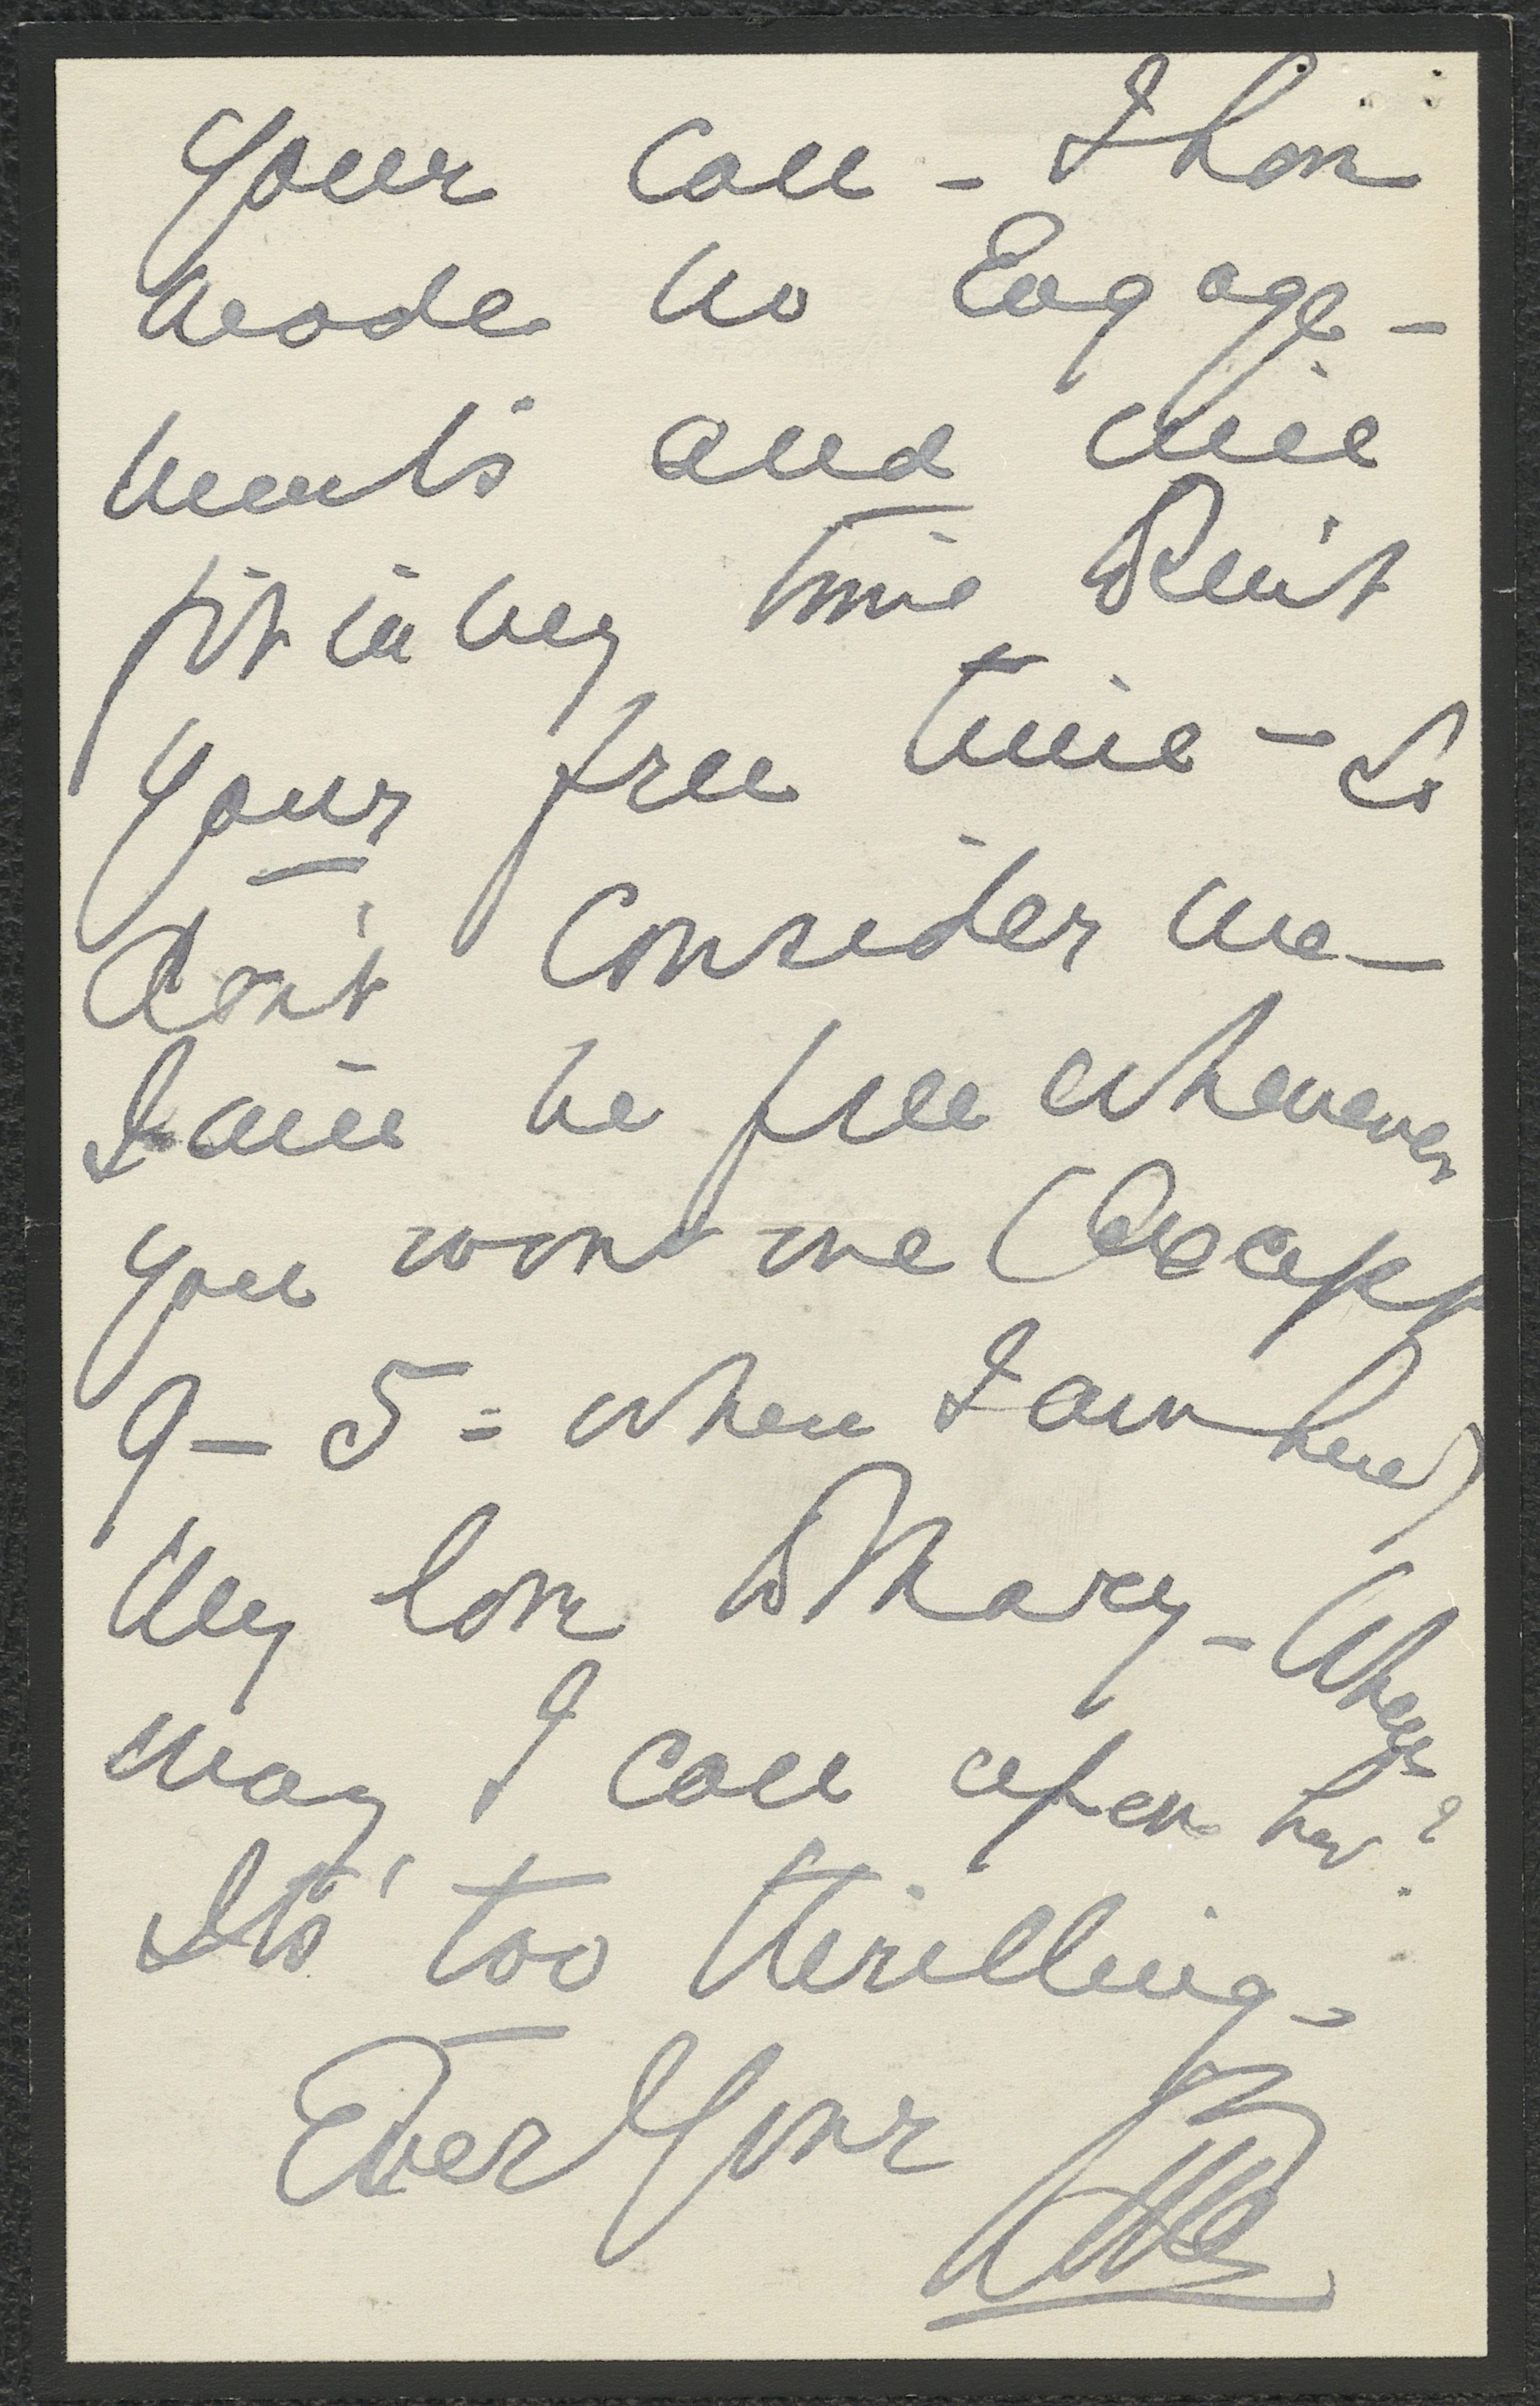Your call – I have made no engagements and will fit in my time to suit your free time – So don’t consider me – I will be free whenever you want me (except 9-5 – when I am here) My love to Mary – When may I call upon her? It’s too thrilling –
Ever Your Belle